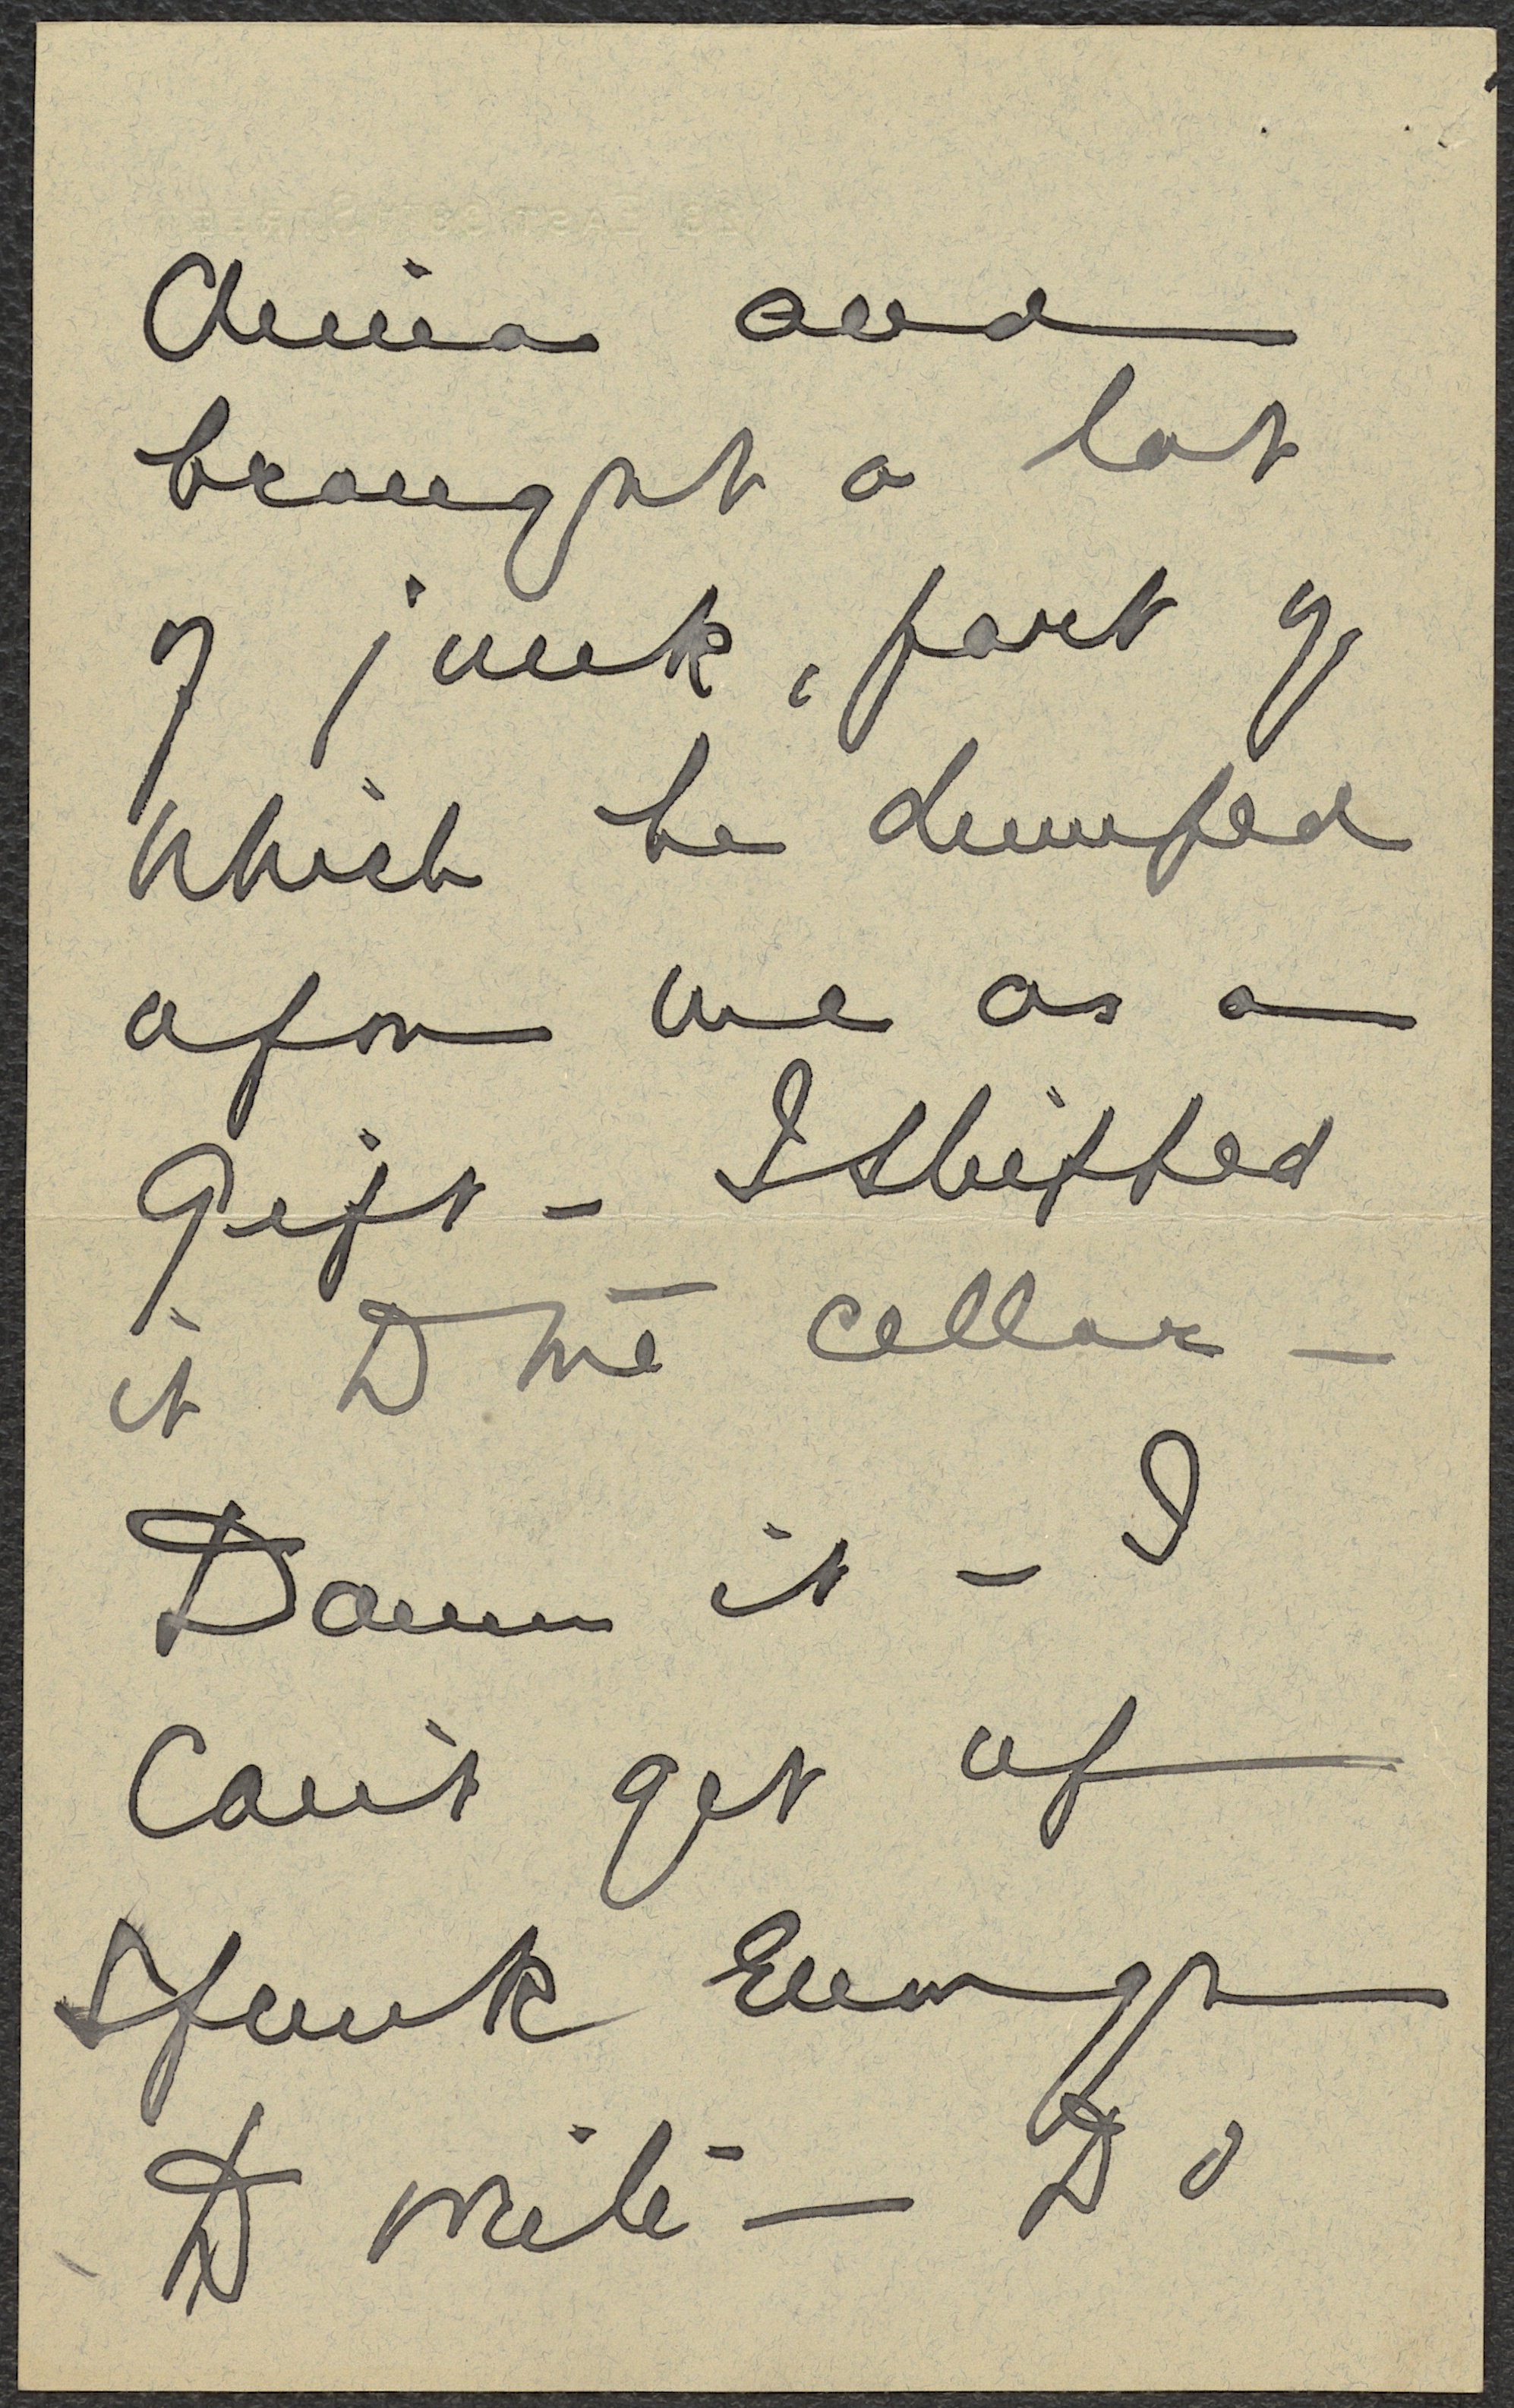China and brought a lot of junk, part of which he dumped upon me as a gift – I shipped it to the cellar –
Damn it – I can’t get up spunk enough to write – Do